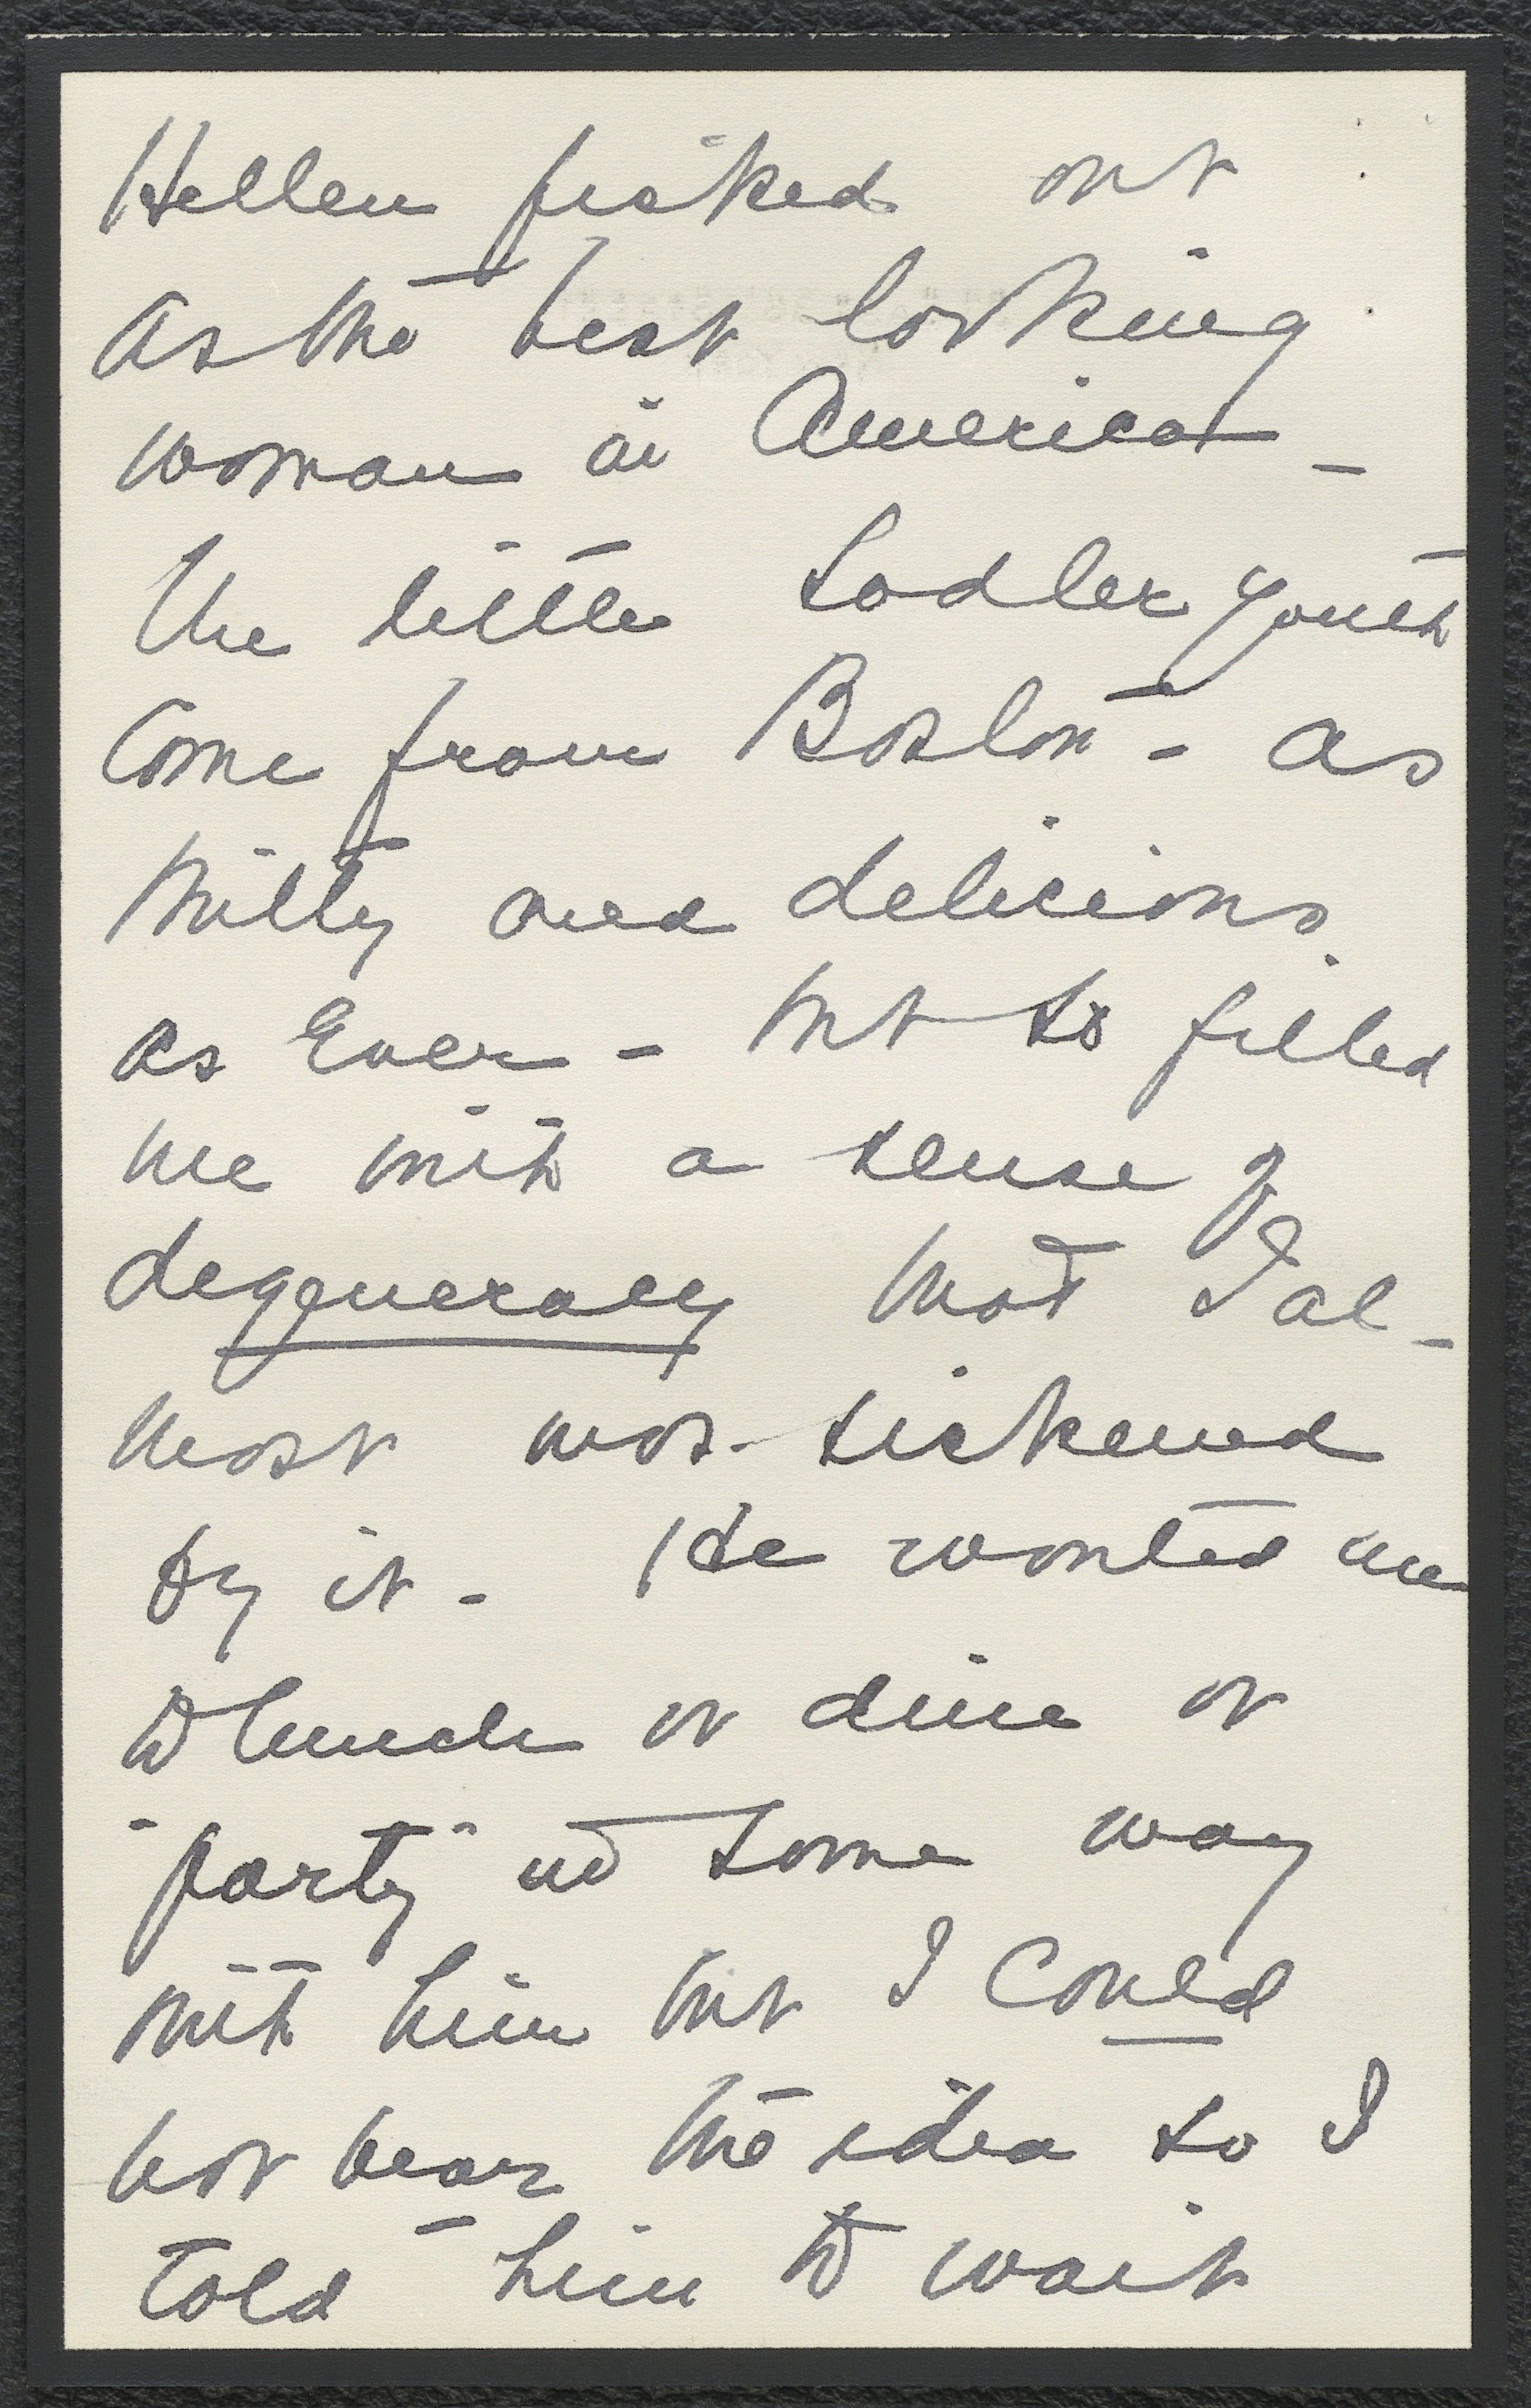Helleu picked out as the best looking woman in America – the little Sadler youth came from Boston – as witty and delicious as ever – but so filled me with a sense of degeneracy that I almost was sickened by it – He wanted me to lunch or dine or “party” in some way with him but I could not bear the idea so I told him to wait